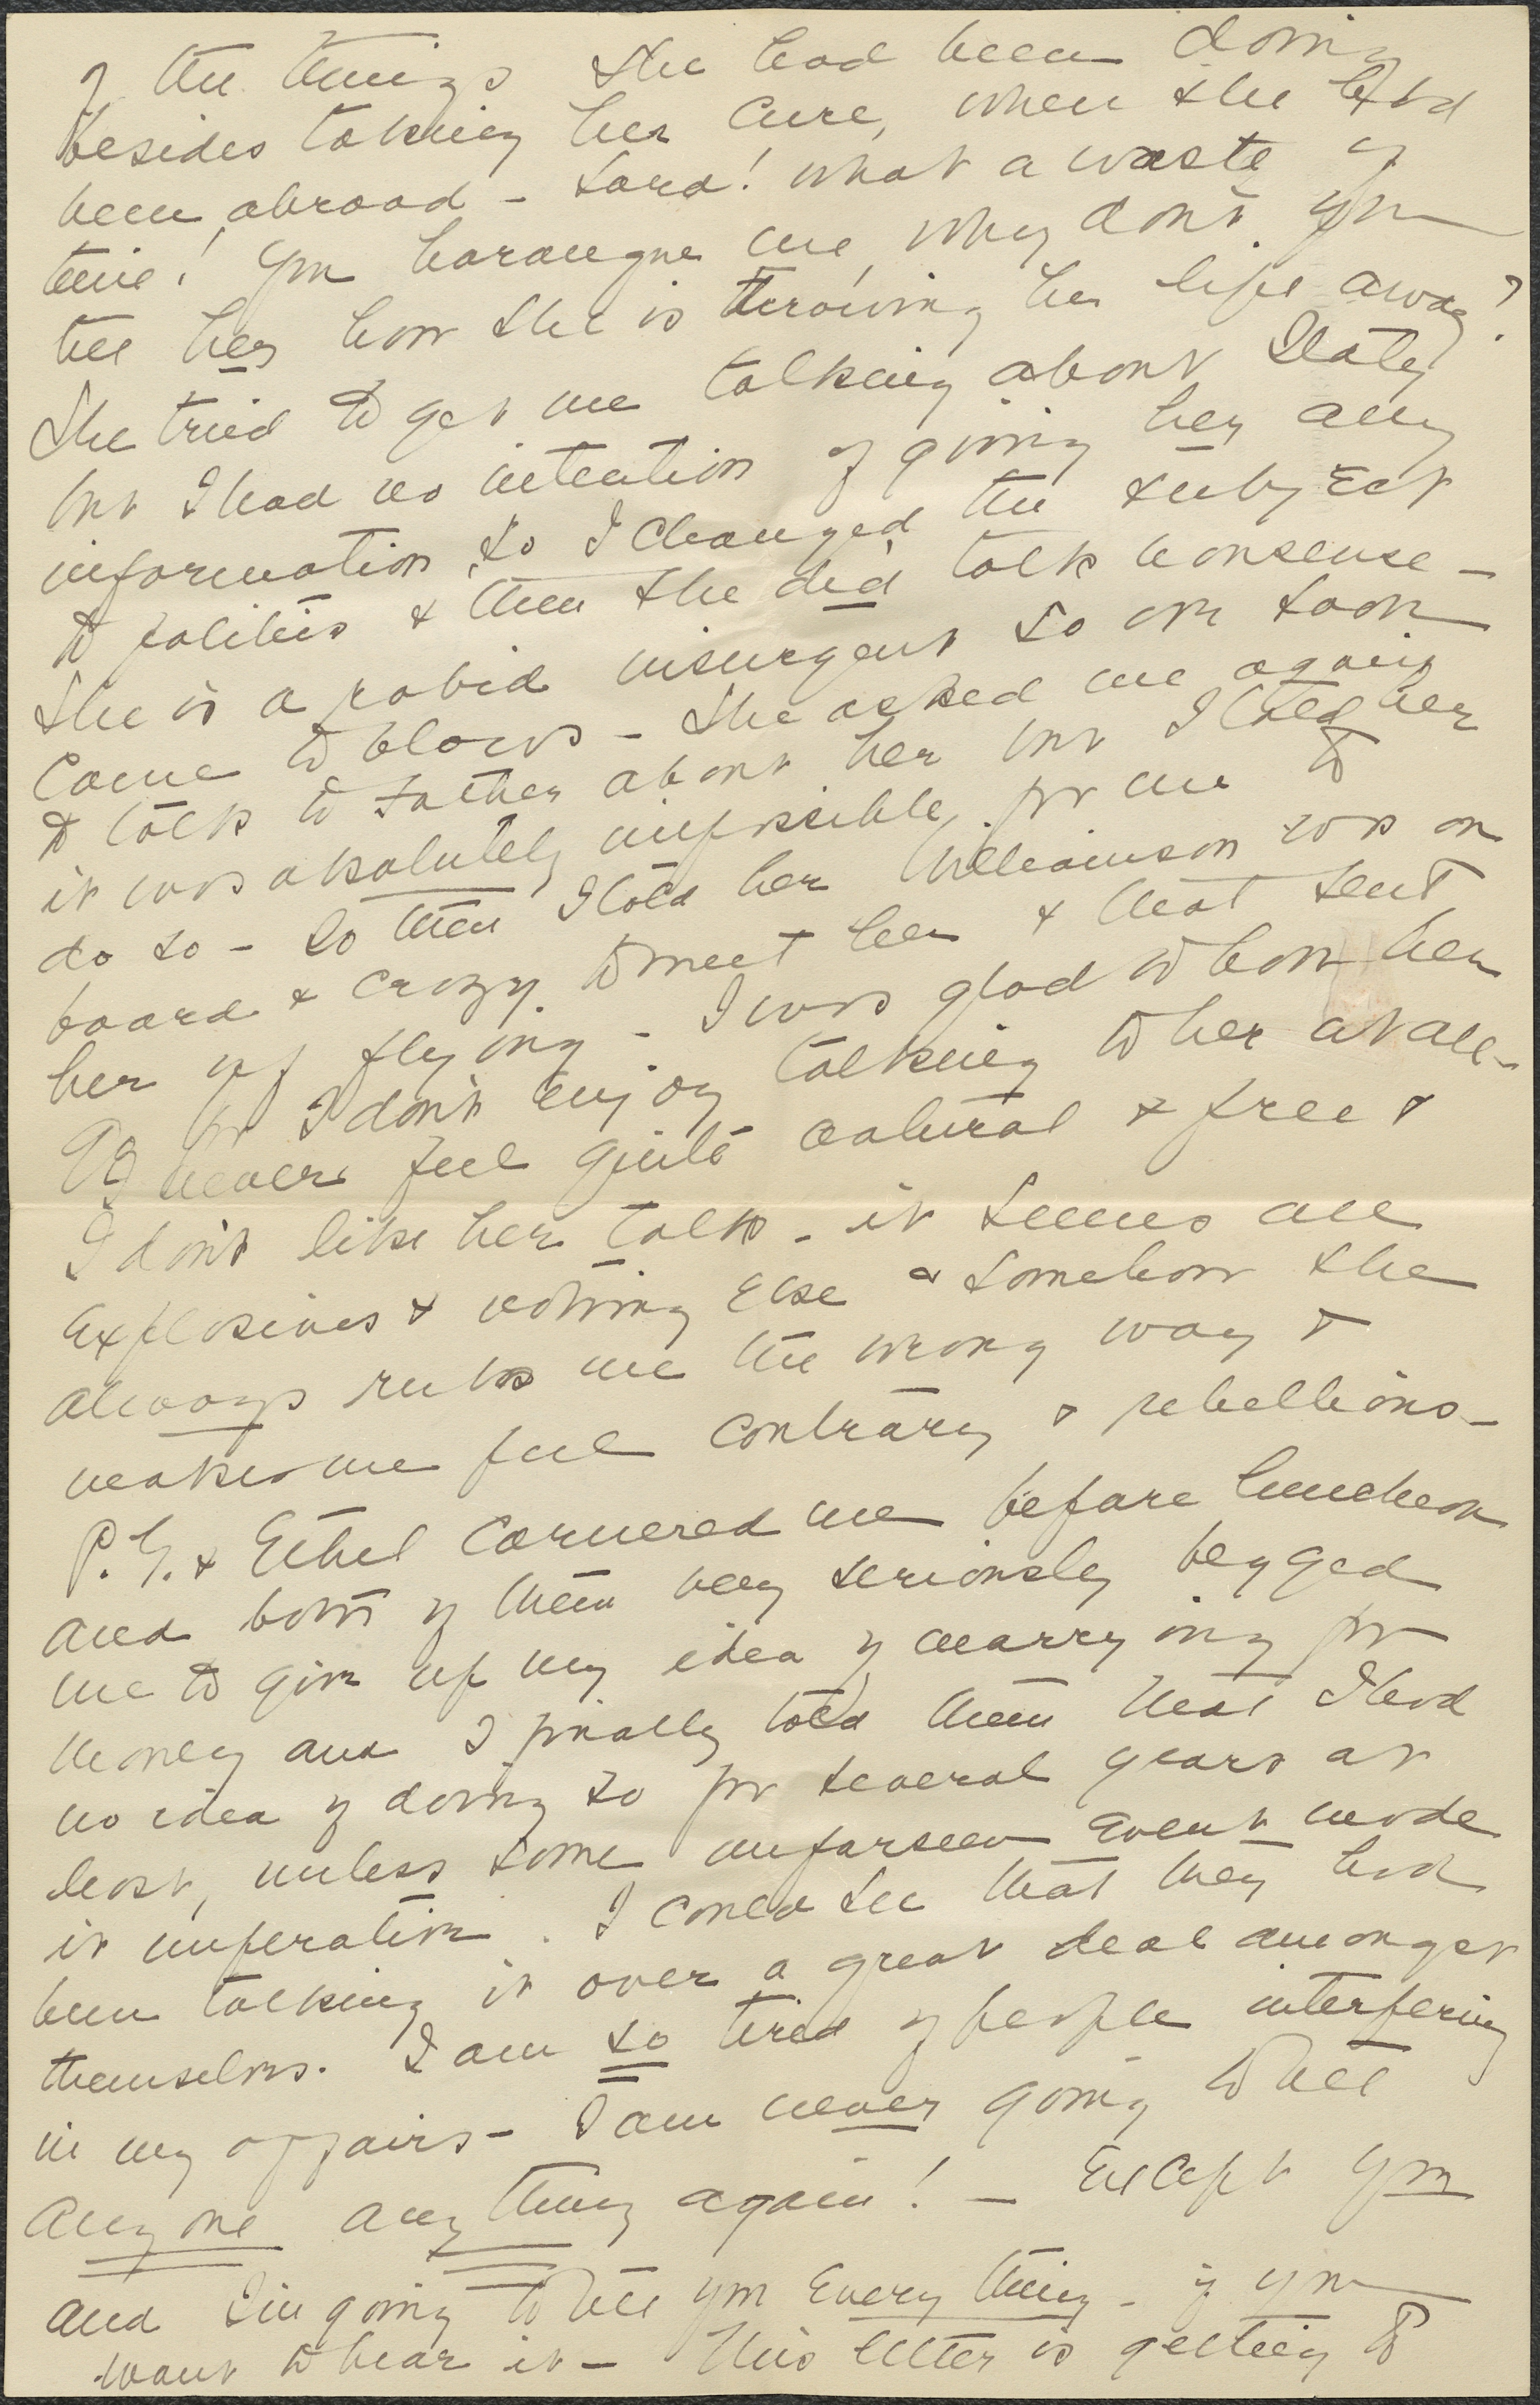of the things she had been doing besides taking her cure, when she had been abroad – Lord! What a waste of time! You harangue me, why don’t you tell her how she is throwing her life away? She tried to get me talking about Italy but I had no intention of giving her any information, so I changed the subject to politics & then she did talk nonsense – She is a rabid insurgent so we soon came to blows – She asked me again to talk to Father about her but I told her it was absolutely impossible for me to do so – So then I told her Williamson was on board & crazy to meet her & that sent her off flying – I was glad to have her go for I don’t enjoy talking to her at all – I never feel quite natural & free & I don’t like her talk – it seems all explosives & nothing else & somehow she always rubs me the wrong way & makes me feel contrary & rebellious – P. G. & Ethel cornered me before luncheon and both of them very seriously begged me to give up my idea of marrying for money and I finally told them that I had no idea of doing so for several years at least, unless some unforseen [sic] event made it imperative. I could see that they had been talking it over a great deal amongst themselves. I am [double underlined: so] tired of people interfering in my affairs – I am never going to tell [double underlined: anyone] [triple underlined: any thing] again! – except you and I’m going to tell you every thing – if you want to hear it – This letter is getting to